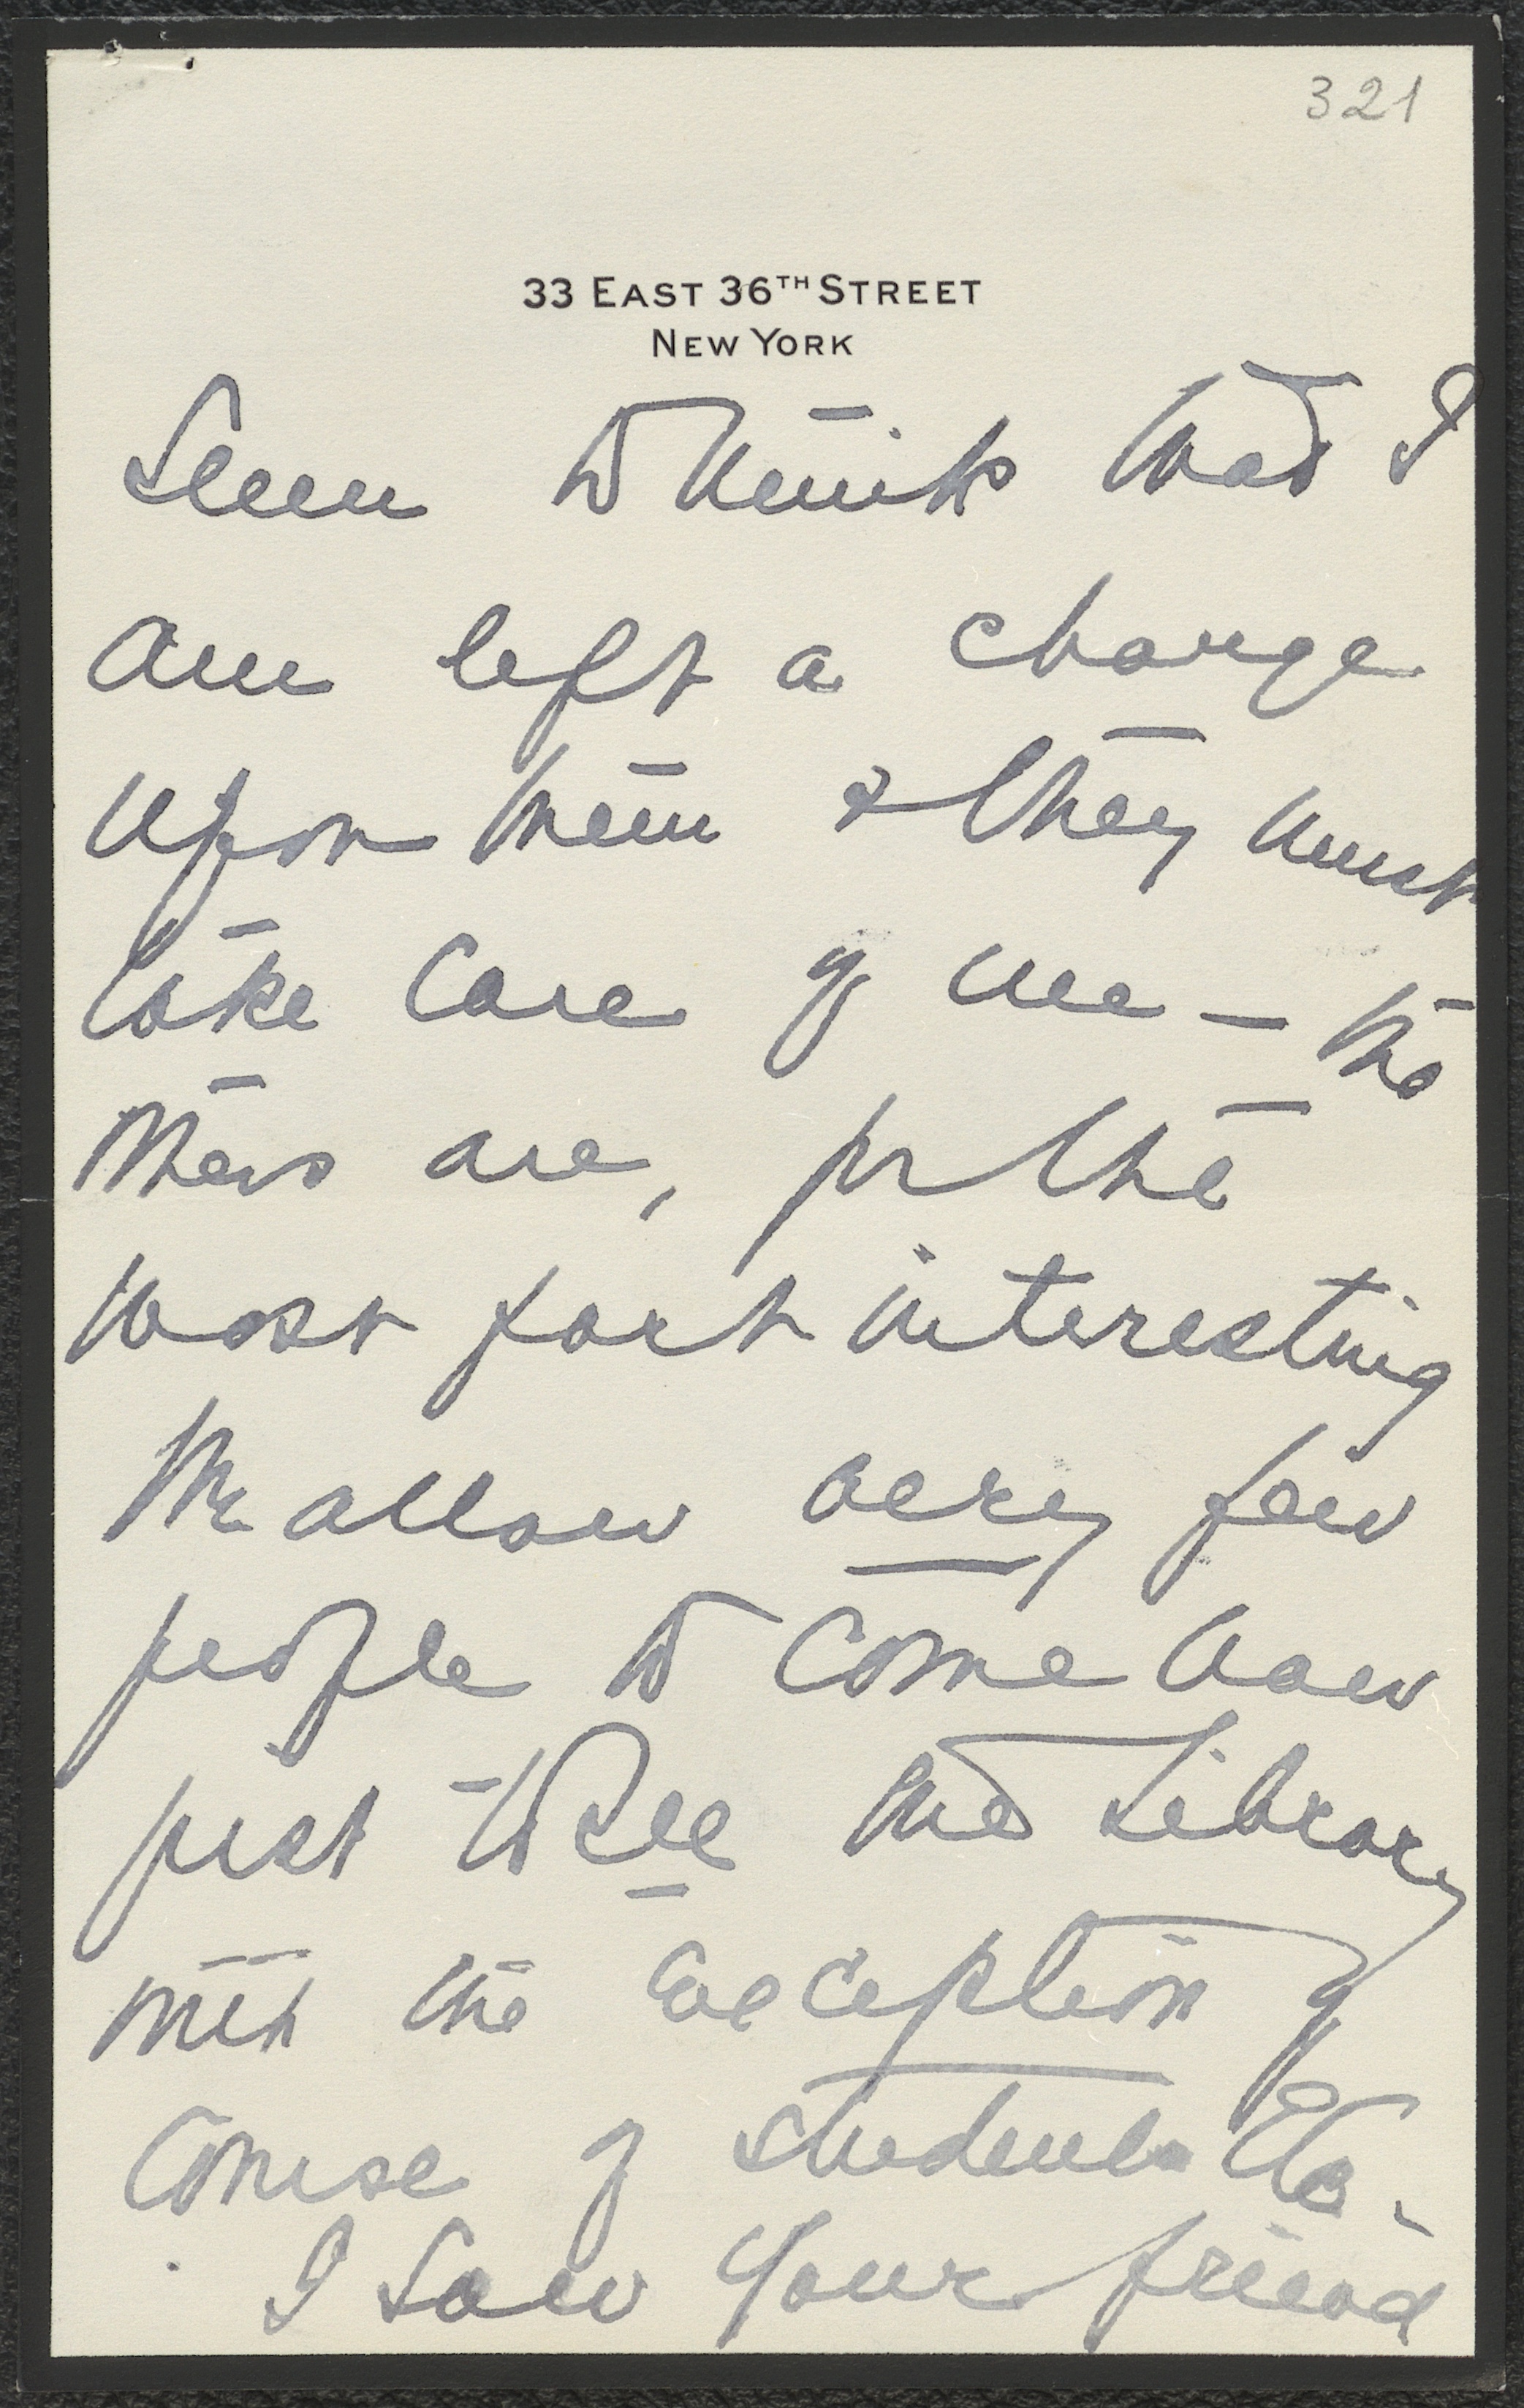seem to think that I am left a charge upon them & they must take care of me – the others are, for the most part interesting
We allow very few people to come now just to see the Library with the exception of course of students etc. –
I saw your friend